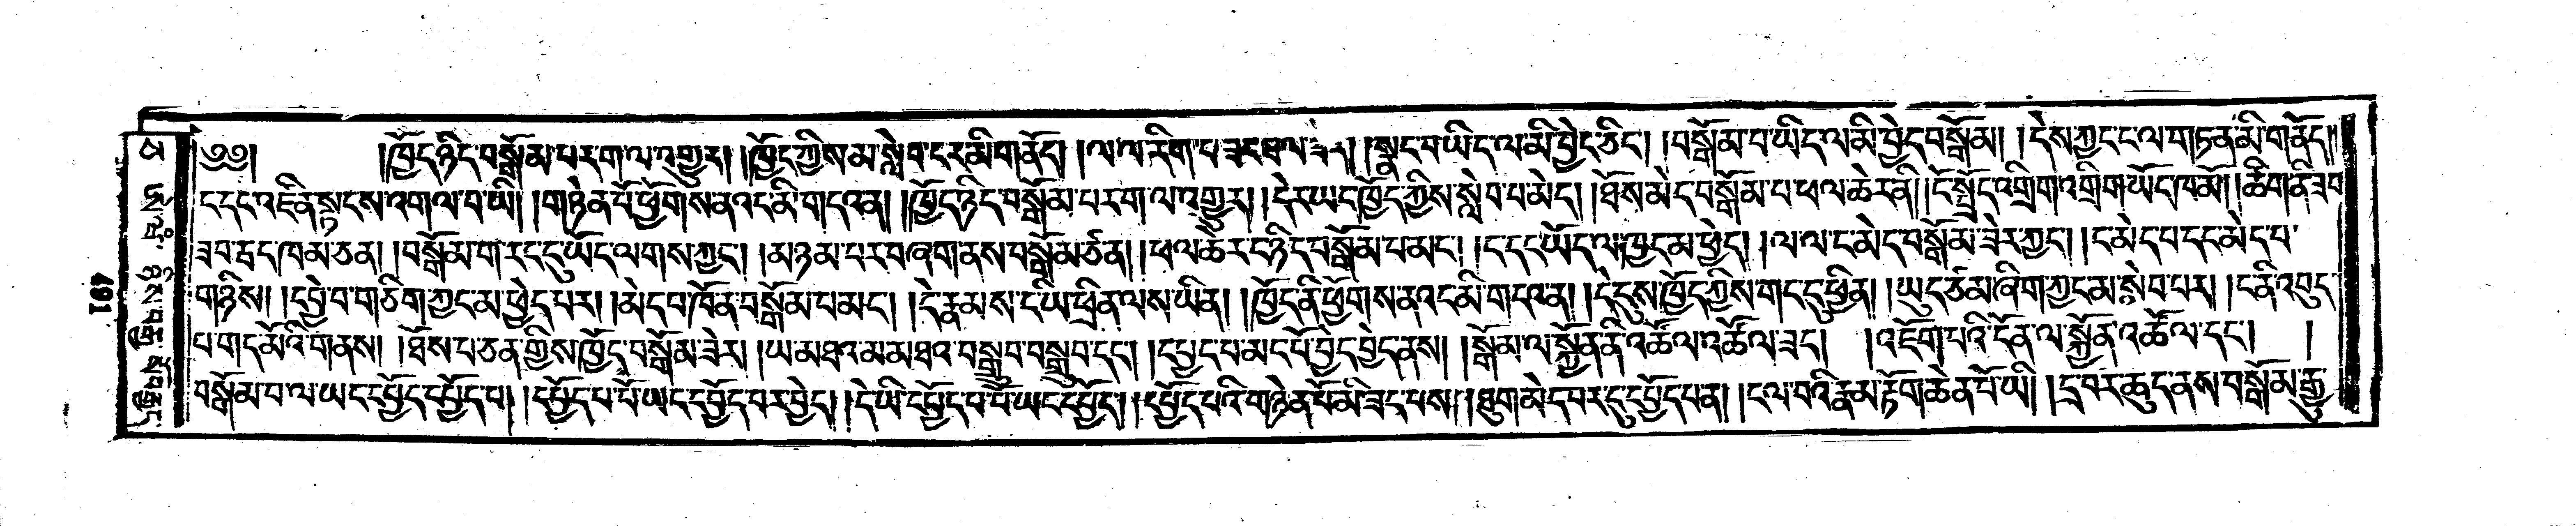༄༅། །ཁྱོད་ཉིད་བསྒོམ་པར་ག་ལ་འགྱུར། །ཁྱོད་ཀྱིས་མ་སླེབ་ངར་མི་གནོད། །ལ་ལ་རིག་པ་ཟད་ཐལ་ཟེར། །སྣང་བ་ཡིད་ལ་མི་བྱེད་ཅིང་། །བསྒོམ་པ་ཡིད་ལ་མི་བྱེད་བསྒོམ། །དེས་ཀྱང་ང་ལ་གཏན་མི་གནོད། །
ང་དང་འཛིན་སྟངས་འགལ་བ་ཡི། །གཉེན་པོ་ཕྱོགས་ནའང་མི་གདའ་ན། །ཁྱོད་ཉིད་བསྒོམ་པར་ག་ལ་འགྱུར། །དེར་ཡང་ཁྱོད་ཀྱིས་སླེབ་པ་མེད། །ཐོས་མེད་བསྒོམ་པ་ཕལ་ཆེར་ནི། །ངོ་སྤྲོད་འགྲིག་འགྲིག་ཡོད་ཁ་མོ། །ཚིག་ནི་ཟབ་
ཟབ་རྦད་ཁམ་ཅན། །བསྒོམ་ག་རང་དུ་ཡོད་ལགས་ཀྱང་། །མཉམ་པར་བཞག་ནས་བསྒོམ་ཙ་ན། །ཕལ་ཆེར་ང་ཉིད་བསྒོམ་པ་མང་། །ང་དང་ཡོད་ལ་ཁྱད་མ་ཕྱེད། །ལ་ལ་ང་མེད་བསྒོམ་ཟེར་ཀྱང་། ང་མེད་པ་དང་མེད་པ་
གཉིས། །དབྱེ་བ་གཅིག་ཀྱང་མ་ཕྱེད་པར། །མེད་པ་ཁོ་ན་བསྒོམ་པ་མང་། །དེ་རྣམས་ང་ཡི་ཕྲིན་ལས་ཡིན། །ཁྱོད་ནི་ཕྱོགས་ནའང་མི་གདའ་ན། །དེ་དུས་ཁྱོད་ཀྱིས་གང་དུ་ཕྱིན། །ཡུད་ཙམ་ཞིག་ཀྱང་མ་སླེབ་པར། །ང་ནི་འབུད་
པ་གད་མོའི་གནས། །ཐོས་པ་ཅན་གྱིས་ཁྱོད་བསྒོམ་ཟེར། །ཡ་མཐའ་མ་མཐའ་བསྒྲུབ་བསྒྲུབ་དང་། །དཔྱད་པ་མང་པོ་བྱེད་བྱེད་ནས། །སྒོམ་ལ་སྐྱོན་ནི་འཚོལ་འཚོལ་ཟད། །འཇོག་པའི་དོན་ལ་སྐྱོན་འཚོལ་དང་།
བསྒོམ་པ་ལ་ཡང་དཔྱོད་དཔྱོད་པ། །དཔྱོད་པ་པོ་ཡང་དཔྱོད་པར་བྱེད། །དེ་ཡི་དཔྱོད་པ་པོ་ཡང་དཔྱོད། །དཔྱོད་པའི་གཉེན་པོ་མི་ཟད་པས། །ཐུག་མེད་བར་དུ་དཔྱོད་པ་ན། །ངལ་བའི་རྣམ་རྟོག་ཆེན་པོ་ཡི། །དྲ་བར་ཚུད་ནས་བསྒོམ་རྒྱུ་